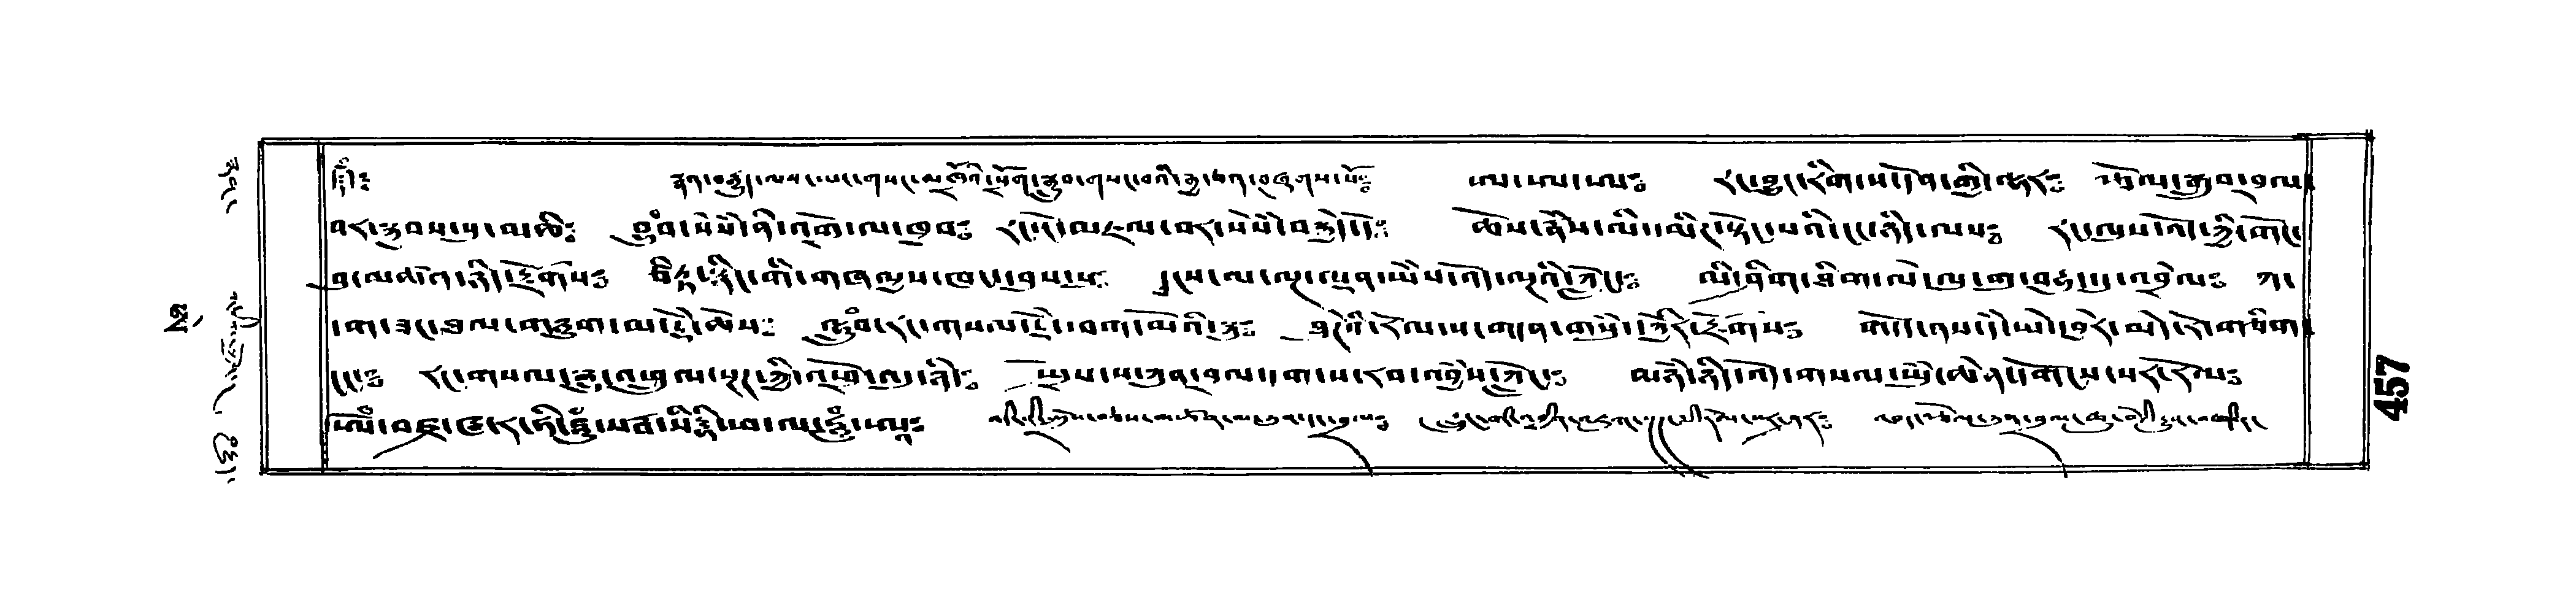སྙན་བརྒྱུད་ལས་ཡང་གསང་མཁའ་འགྲོའི་སྲོག་སྒྲུབ་གསང་བའི་རྒྱ་ཅན་བཞུགས་སོ༔ ཨ་ཨ་ཨཱཿ རང་འབྱུང་རིག་པ་དོན་གྱི་ལྷར༔ རྩོལ་སྒྲུབ་བྲལ་
བར་སྐྱབས་སུ་མཆི༔ བྱང་ཆུབ་སེམས་ནི་འགྲོ་ལ་ཁྱབ༔ རང་ངོ་མཇལ་བར་སེམས་བསྐྱེད་དོ༔ ཆོས་རྣམས་མི་དམིགས་སྟོང་པའི་ངང་ཉིད་ལས༔ རང་ལུས་འོད་ཀྱི་གོང་
བུ་མཚན་ཉིད་རྫོགས༔ ཙིཏྟ་སྙིང་གི་གཞལ་ཡས་ཁང་དབུས་སུ༔ དྭངས་མ་ལྔ་ལྡན་ཡེ་ཤེས་འོད་ལྔའི་ཀློང༔ མི་ཤིགས་ཐིག་ལེ་ལུ་གུ་བརྒྱུད་དུ་འབྲེལ༔ ཀ་
དག་ཟང་ཐལ་གཉུག་མ་རྡོ་རྗེ་ཆོས༔ ལྷུན་གྲུབ་རང་གསལ་རྡོ་རྗེ་ཕག་མོའི་སྐུ༔ ཐུགས་རྗེའི་རོལ་པ་གདན་གསུམ་དཀྱིལ་འཁོར་རྫོགས༔ གདོད་ནས་དམ་ཡེ་དབྱེར་མེད་རོ་གཅིག་
ངང༔ རང་གསལ་སྒྱུ་འཕྲུལ་སྔགས་ཀྱི་འཕྲོ་འདུ་ཉིད༔ སྤྲོས་པ་ཀུན་བྲལ་དག་པ་རབ་འབྱམས་ཀློང༔ མཉམ་ཉིད་འོད་གསལ་ཡུམ་ཆེན་དགོངས་པར་རོལ༔ 
ཨོཾ་བཛྲ་ཝ་ར་ཧི་ཧཱུྃ་སརྦ་སིདྡྷི་ཕ་ལ་ཧཱུྃ་ཨཱཿ འདི་ནི་སྤྲོས་བཅས་མཚན་མ་ཀུན་དང་བྲལ༔ རླུང་གི་འབྱིན་རྔུབ་སྔགས་ཀྱི་རོལ་པར་ཤར༔ འབད་རྩོལ་ཀུན་བྲལ་ཆུ་བོའི་རྒྱུན་བཞིན་